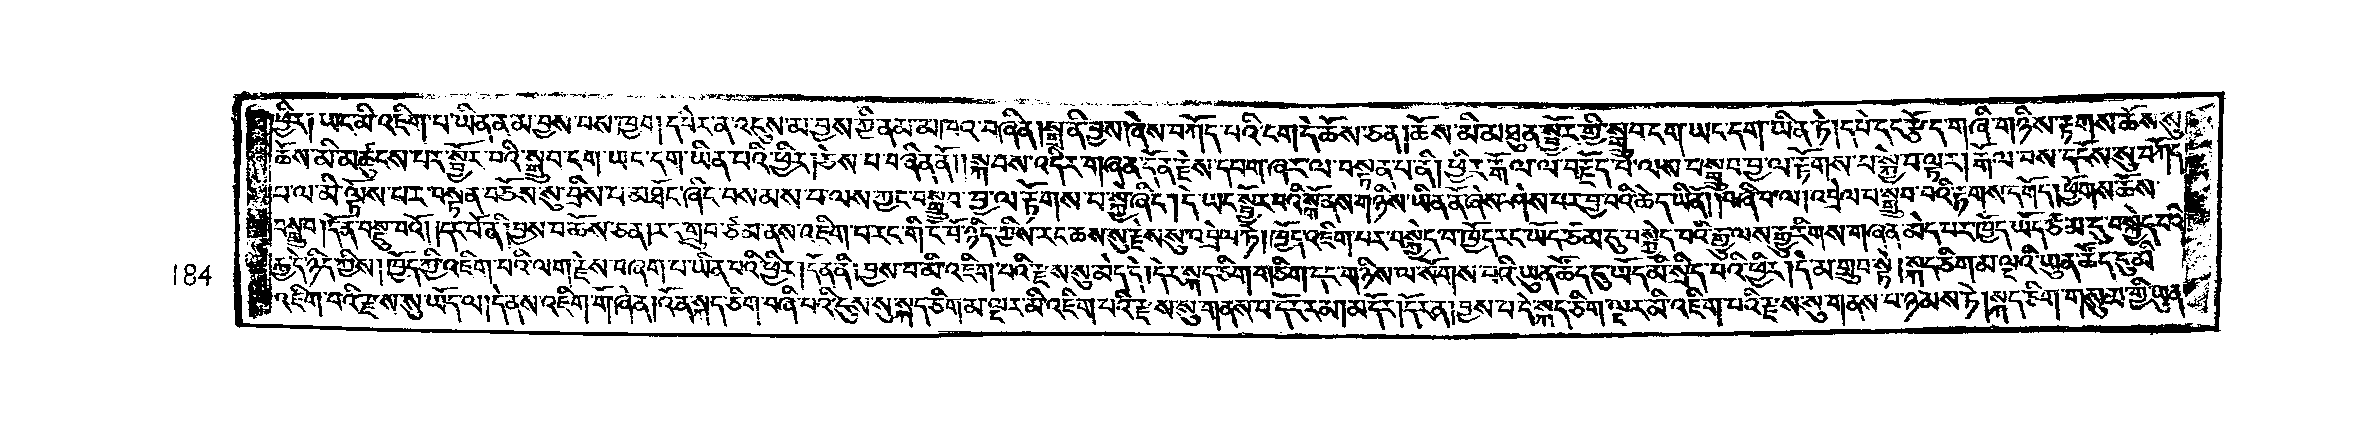ཕྱིར། ཡང་མི་འཇིག་པ་ཡིན་ན་མ་བྱས་པས་ཁྱབ། དཔེར་ན་འདུས་མ་བྱས་ཀྱི་ནམ་མཁའ་བཞིན། སྒྲ་ནི་བྱས་ཞེས་བཀོད་པའི་ངག་དེ་ཆོས་ཅན། ཆོས་མི་མཐུན་སྦྱོར་གྱི་སྒྲུབ་ངག་ཡང་དག་ཡིན་ཏེ། དཔེ་དང་རྩོད་གཞི་གཉིས་རྟགས་ཆོས་སུ་
ཆོས་མི་མཚུངས་པར་སྦྱོར་བའི་སྒྲུབ་ངག་ཡང་དག་ཡིན་པའི་ཕྱིར། ཅེས་པ་བཞིན་ནོ། །སྐབས་འདིར་གཞན་དོན་རྗེས་དཔག་ཞར་ལ་བསྟན་པ་ནི། ཕྱིར་རྒོལ་ལ་བརྗོད་པ་ལས་བསྒྲུབ་བྱ་ལ་རྟོགས་པ་སྐྱེ་བ་ལྟར། རྒོལ་བས་དངོས་སུ་བཀོད་
པ་ལ་མི་ལྟོས་པར་བསྟན་བཅོས་སུ་བྲིས་པ་མཐོང་ཞིང་བསམས་པ་ལས་ཀྱང་བསྒྲུབ་བྱ་ལ་རྟོགས་པ་སྐྱེ་ཞིང་། དེ་ཡང་སྦྱོར་བའི་སྒོ་ནས་གཉིས་ཡིན་ནོ་ཞེས་ཤེས་པར་བྱ་བའི་ཆེད་ཡིན་ནོ། །བཞི་པ་ལ། འབྲེལ་པ་སྒྲུབ་པའི་རྟགས་དགོད། ཕྱོགས་ཆོས་
བསྒྲུབ། དོན་བསྡུ་པའོ། །དང་པོ་ནི། བྱས་པ་ཆོས་ཅན། རང་གྲུབ་ཙམ་ནས་འཇིག་པ་རང་གི་ངོ་བོ་ཉིད་ཀྱིས་རང་ཆོས་སུ་རྗེས་སུ་འབྲེལ་ཏེ། ཁྱོད་འཇིག་པར་བསྐྱེད་པ་ཁྱོད་རང་ཡོད་ཙམ་དུ་བསྐྱེད་པའི་རྒྱུ་ལས་རྒྱུ་རིགས་གཞན་མེད་པར་ཁྱོད་ཡོད་ཙམ་དུ་བསྐྱེད་པའི་
རྒྱུ་དེ་ཉིད་ཀྱིས། ཁྱོད་ཀྱི་འཇིག་པའི་ལག་རྗེས་བཞག་པ་ཡིན་པའི་ཕྱིར། དོན་ནི། བྱས་པ་མི་འཇིག་པའི་རྫས་སུ་མེད་དེ། དེར་སྐད་ཅིག་གཅིག་དང་གཉིས་ལ་སོགས་པའི་ཡུན་ཚོད་དུ་ཡོད་མི་སྲིད་པའི་ཕྱིར། དེ་མ་གྲུབ་སྟེ། སྐད་ཅིག་མ་ལྔའི་ཡུན་ཚོད་དུ་མི་
འཇིག་པའི་རྫེས་སུ་ཡོད་ལ། དེ་ནས་འཇིག་གོ་ཞེ་ན། འོ་ན་སྐད་ཅིག་བཞི་པའི་དུས་སུ་སྐད་ཅིག་མ་ལྔར་མི་འཇིག་པའི་རྫེས་སུ་གནས་པ་དོར་རམ། མ་དོར། དོར་ན། བྱས་པ་དེ་སྐད་ཅིག་ལྔར་མི་འཇིག་པའི་རྫས་སུ་གནས་པ་ཉམས་ཏེ། སྐད་ཅིག་གསུམ་གྱི་ཡུན་